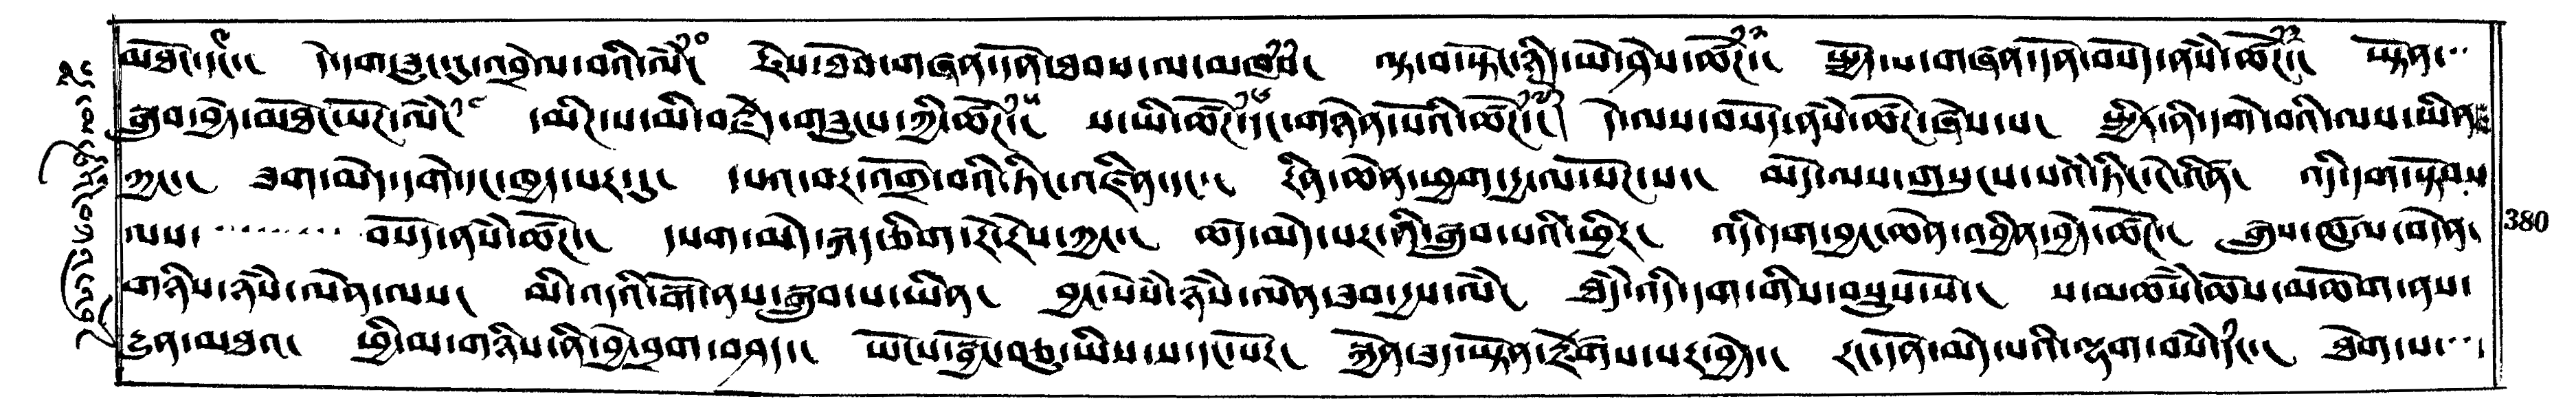མཐོང་དང་། །དེ་དག་ཟུང་དུ་འབྲེལ་བའི་ལམ། །རྗེས་ཐོབ་གཞན་དོན་ཐབས་ལ་མཁས། །ལྟ་བ་སྟོང་ཉིད་ཡེ་ཤེས་ཚོགས། །སྤྱོད་པ་གཞན་དོན་བསོད་ནམས་ཚོགས། །ཡོན་ཏན་
སྒྲུབ་བྱེད་མཐོང་སོགས་ལམ། །དམིགས་པ་མི་བརྗེད་གཟུངས་ཀྱི་ཚོགས། །ས་ཡི་ཚོགས་དང་གཉེན་པོའི་ཚོགས། །དེ་ལས་བསོད་ནམས་ཚོགས་ཞེས་པ། །སྤྱིར་ནི་དགེ་བའི་ལས་ཡིན་
ཀྱང་། །ཟག་མེད་དགེ་དང་ཁྱད་པར་དུ། །དཔའ་བར་འགྲོ་བའི་ཏིང་འཛིན་དང་། །རིན་ཆེན་ཕྱག་རྒྱ་ལ་སོགས་པ། །མདོ་ལས་གསུངས་པའི་ཏིང་ངེ་འཛིན། །འདི་དག་སྟོབས་
ལས་བསོད་ནམས་ཚོགས། །དཔག་མེད་སྐད་ཅིག་རེ་རེས་ཀྱང་། །ཚད་མཻད་པར་ནི་སྒྲུབ་པའི་ཕྱིར། །འདི་དག་བྱང་ཆེན་འབྱིན་བྱེད་ཚོགས། །སྒྲུབ་ཚུལ་བདེན་
གཉིས་ཉམས་ལེན་ལས། །མི་འདའི་སྒོ་ནས་སྒྲུབ་པ་ཡིན། །བྱང་སེམས་ཉམས་ལེན་ཟབ་རྒྱས་ལམ། །ཐམས་ཅད་འདི་དག་གིས་བསྡུས་སོ། །ས་མཚམས་ཆོས་མཆོག་ནས་
རྒྱུན་མཐའ། །ཕྱི་མ་གཉིས་ནི་བྱེ་བྲག་བཤད། །ཡོངས་སྦྱོང་བཅུ་ཡིས་ས་དང་པོར། །སྐྱོན་ཟད་ཡོན་ཏན་རྫོགས་པར་བྱེད། །རང་དོན་མེད་པའི་ལྷག་བསམ་དང་། །ཐེག་པ་